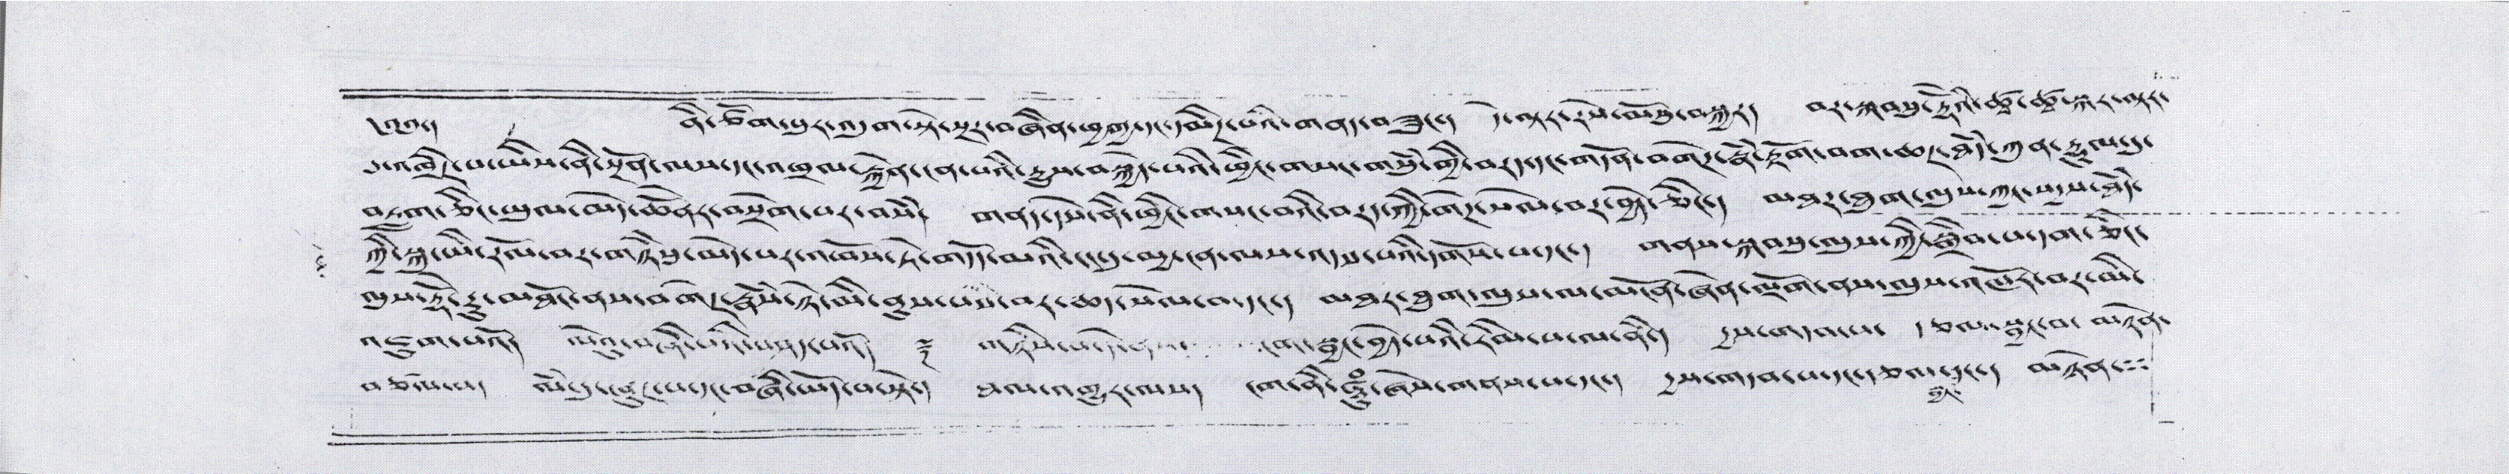ནི་ཙོག་པུར་འདུག་སྟེ་སྔར་བཞིན་ཕྱག་རྒྱ་དང་དམིགས་པའི་གནད་བཟུང་། དེ་ལྟར་རེས་མོས་སུ་བསྐྱར། བར་སྐབས་སུ་རྡོ་རྗེའི་ཚྭ་ཚྭ་སྐར་ལྟར་
དུ་འཁྲིགས་པ་ཡིས་ནི་སྔོན་ལས་དང་འཕྲལ་རྐྱེན་ངན་པའི་རྒྱུས་བསྐྱེད་པའི་ཕྱི་ནང་གསང་གསུམ་གྱི་བར་ཆད་དང་གདོན་བགེགས་རྣམ་རྟོག་བག་ཆགས་ཐམས་ཅད་ཀུན་རྡུལ་དུ་
བརླག་ཅིང་ཡུལ་མེད་ཆེན་པོར་བསྲེགས་པར་བསམ། གནད་དེས་ནི་ཕྱི་ནང་གསང་བའི་བར་ཆད་ཀྱི་གེགས་སེལ་བར་བྱེད་ཅིང་མཐར་ཐུག་ལུས་ཀྱང་སངས་རྒྱས་ཐམས་ཅད་
ཀྱི་སྐུ་ཡི་རོལ་པར་གཉིས་སུ་མེད་པར་འཕོས་ཏེ་གདོད་མའི་ངང་དུ་མྱ་ངན་ལས་འདས་པའི་དགོས་པ་དང་། གནས་སྐབས་སུ་ལུས་ཀྱི་སྒྲིབ་པ་དག་ཅིང་
ལུས་རྡོ་རྗེ་རུ་མཐོང་ནས་བགེགས་རྣམས་ཉེ་མི་ནུས་པས་བར་ཆད་སེལ་བ་དང་། མཐར་ཐུག་ལུས་ལ་མངོན་ཞེན་ལྡོག་ནས་ལུས་འཁོར་བར་མི་
འཇུག་པའོ། ལེའུ་གཉིས་པའི་བཤད་པའོ། ༧ གཉིས་པ་དེ་ནས་ངག་སྦྱང་བྱེད་པའི་རིམ་པ་ནི། རྒྱས་གདབ་པ། རྩལ་སྦྱང་བ། མཉེན་
བཙལ་བ། ལམ་དུ་ཞུགས་པ་དང་བཞི་ཡོད་དེ། ཐལ་འགྱུར་ལས། ངག་ནི་ཧཱུཾ་ཞེས་གནས་པ་དང་། རྒྱས་གདབ་པ་དང་རྩལ་སྦྱང་དང་། མཉེན་